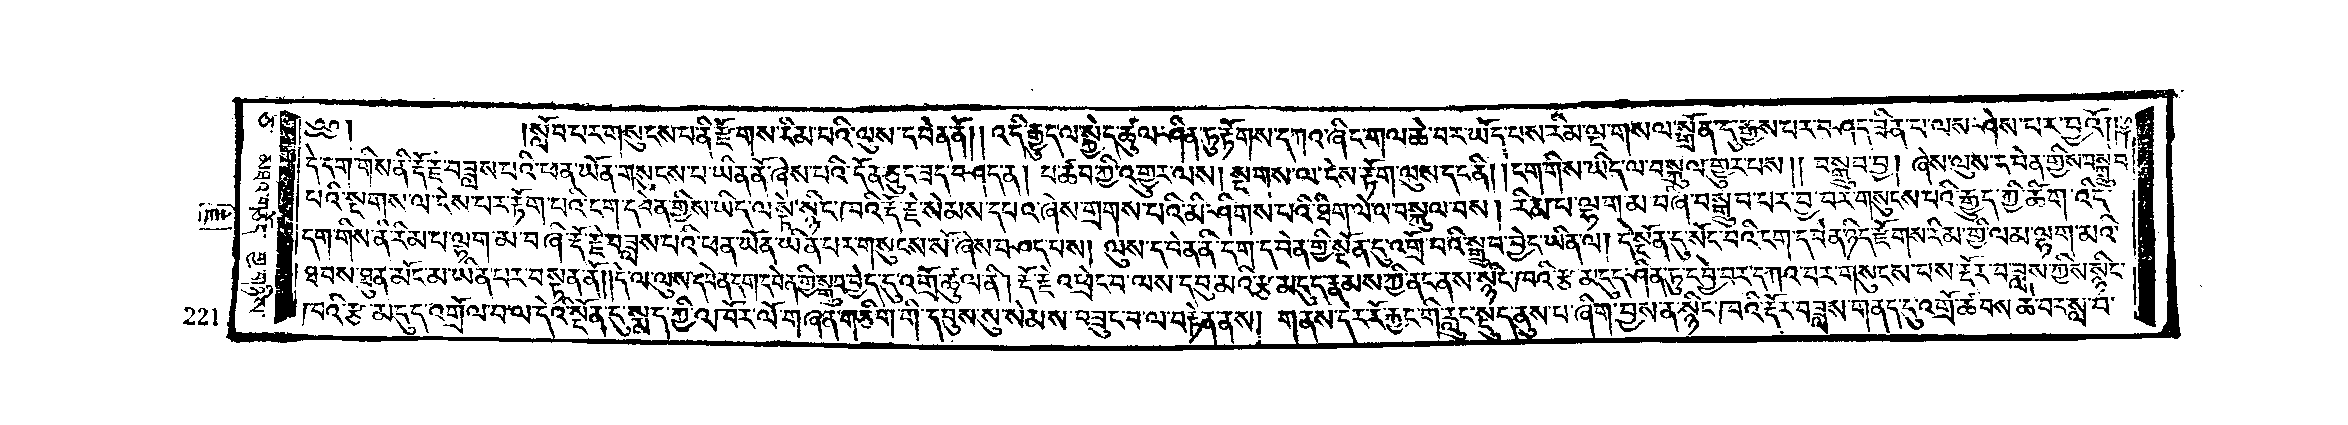༄༅། །སློབ་པར་གསུངས་པ་ནི་རྫོགས་རིམ་པའི་ལུས་དབེན་ནོ། །འདི་རྒྱུད་ལ་སྐྱེད་ཚུལ་ཤིན་ཏུ་རྟོགས་དཀའ་ཞིང་གལ་ཆེ་བར་ཡོད་པས་རིམ་ལྔ་གསལ་སྒྲོན་དུ་རྒྱས་པར་བཤད་ཟིན་པ་ལས་ཤེས་པར་བྱའོ། །
དེ་དག་གིས་ནི་རྡོ་རྗེ་བཟླས་པའི་ཕན་ཡོན་གསུངས་པ་ཡིན་ནོ་ཞེས་པའི་དོན་ཅུང་ཟད་བཤད་ན། པ་ཚབ་ཀྱི་འགྱུར་ལས། སྔགས་ལ་ངེས་རྟོག་ལུས་དང་ནི། །ངག་གིས་ཡིད་ལ་བསྐུལ་གྱུར་པས། །བསྒྲུབ་བྱ། ཞེས་ལུས་དབེན་གྱིས་བསྒྲུབ་
པའི་སྔགས་ལ་ངེས་པར་རྟོག་པའི་ངག་དབེན་གྱིས་ཡིད་ལ་སྟེ་སྙིང་ཁའི་རྡོ་རྗེ་སེམས་དཔའ་ཞེས་གྲགས་པའི་མི་ཤིགས་པའི་ཐིག་ལེ་ལ་བསྐུལ་བས། རིམ་པ་ལྷག་མ་བཞི་བསྒྲུབ་པར་བྱ་བར་གསུངས་པའི་རྒྱུད་ཀྱི་ཚིག་འདི་
དག་གིས་ནི་རིམ་པ་ལྷག་མ་བཞི་རྡོ་རྗེ་བཟླས་པའི་ཕན་ཡོན་ཡིན་པར་གསུངས་སོ་ཞེས་བཤད་པས། ལུས་དབེན་ནི་ངག་དབེན་གྱི་སྔོན་དུ་འགྲོ་བའི་སྒྲུབ་བྱེད་ཡིན་ལ། དེ་སྔོན་དུ་སོང་བའི་ངག་དབེན་ཉིད་རྫོགས་རིམ་གྱི་ལམ་ལྷག་མའི་
ཐབས་ཐུན་མོང་མ་ཡིན་པར་བསྟན་ནོ། །དེ་ལ་ལུས་དབེན་ངག་དབེན་གྱི་སྒྲུབ་བྱེད་དུ་འགྲོ་ཚུལ་ནི། རྡོ་རྗེ་འཕྲེང་བ་ལས་དབུ་མའི་རྩ་མདུད་རྣམས་ཀྱི་ནང་ནས་སྙིང་ཁའི་རྩ་མདུད་ཤིན་ཏུ་དབྱེ་བར་དཀའ་བར་གསུངས་པས་རྡོར་བ་ཟླས་ཀྱིས་སྙིང་
ཁའི་རྩ་མདུད་འགྲོལ་བ་ལ་དེའི་སྔོན་དུ་སྨད་ཀྱི་འཁོར་ལོ་གཞན་གཅིག་གི་དབུས་སུ་སེམས་བཟུང་བ་ལ་བརྟེན་ནས། གནས་དེར་རོ་རྐྱང་གི་རླུང་སྡུད་ནུས་པ་ཞིག་བྱས་ན་སྙིང་ཁའི་རྡོར་བཟླས་གནད་དུ་འགྲོ་ཚབས་ཆེ་བར་སླ་བ་